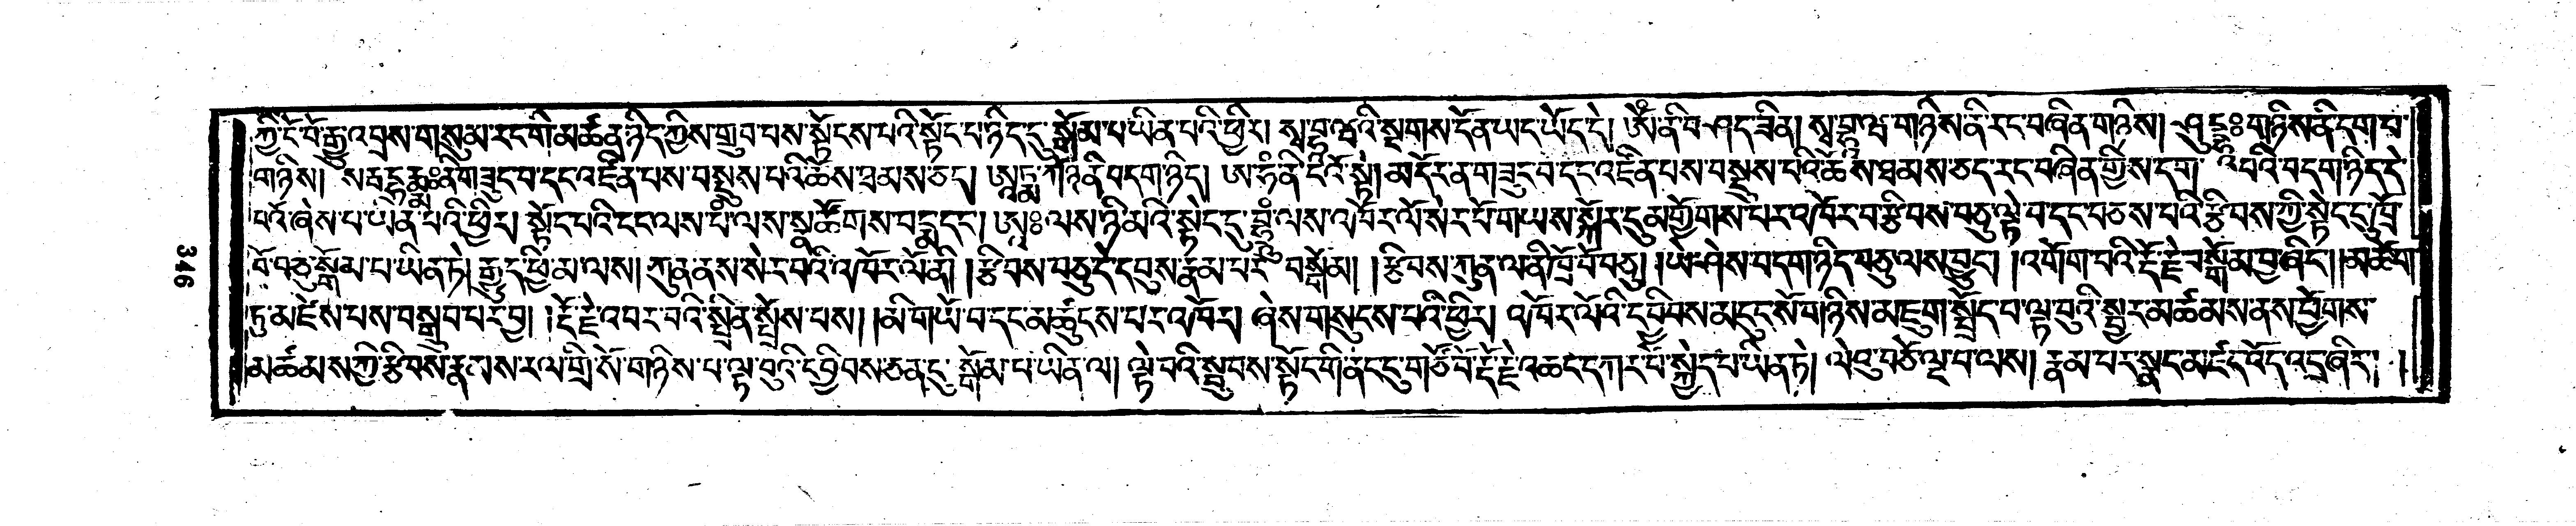ཀྱི་ངོ་བོ་རྒྱུ་འབྲས་གསུམ་རང་གི་མཚན་ཉིད་ཀྱིས་གྲུབ་པས་སྟོངས་པའི་སྟོང་པ་ཉིད་དུ་སྒོམ་པ་ཡིན་པའི་ཕྱིར། སྭ་བྷཱ་ཝའི་སྔགས་དོན་ཡང་ཡོད་དེ། ཨོཾ་ནི་བཤད་ཟིན། སྭ་བྷཱ་ཝ་གཉིས་ནི་རང་བཞིན་གཉིས། ཤུདྡྷཱཿ གཉིས་ནི་དག་པ་
གཉིས། སརྦ་དྷརྨྨཿ ནི་གཟུང་བ་དང་འཛིན་པས་བསྡུས་པའི་ཆོས་ཐམས་ཅད། ཨཱཏྨ་ཀོ་ཉ་ནི་བདག་ཉིད། ཨ་ཧཾ་ནི་ངའོ་སྟེ། མདོར་ན་གཟུང་བ་དང་འཛིན་པས་བསྡུས་པའི་ཆོས་ཐམས་ཅད་རང་བཞིན་གྱིས་དགའ་བའི་བདག་ཉིད་དེ་
ངའོ་ཞེས་པ་ཡིན་པའི་ཕྱིར། སྟོང་པའི་ངང་ལས་པཾ་ལས་སྣ་ཚོགས་པདམ་དང་། ཨཱཿ ལས་ཉི་མའི་སྟེང་དུ་བྷྲཱུཾ་ལས་འཁོར་ལོ་སེར་པོ་གཡས་སྐོར་དུ་མགྱོགས་པར་འཁོར་བ་རྩིབས་བཅུ་ལྟེ་བ་དང་བཅས་པའི་རྩིབས་ཀྱི་སྟེང་དུ་ཁྲོ་
བོ་བཅུ་སྒོམ་པ་ཡིན་ཏེ། རྒྱུད་ཕྱི་མ་ལས། ཀུན་ནས་སེར་བའི་འཁོར་ལོ་ནི། །རྩིབས་བཅུ་དེ་དབུས་རྣམ་པར་བསྒོམ། །རྩིབས་ཀུན་ལ་ནི་ཁྲོ་བོ་བཅུ། །ཡེ་ཤེས་བདག་ཉིད་བཅུ་ལས་བྱུང་། །འགོག་པའི་རྡོ་རྗེ་བསྒོམ་བྱ་ཞིང་། །མཆོག་
ཏུ་མཛེས་པས་བསྒྲུབ་པར་བྱ། །རྡོ་རྗེ་འབར་བའི་སྤྲིན་སྤྲོས་བས། །མི་གཡོ་བ་དང་མཚུངས་པར་འཁོར། ཞེས་གསུངས་པའི་ཕྱིར། འཁོར་ལོའི་དབྱིབས་མདུང་སོ་གཉིས་མཇུག་སྤྲོད་པ་ལྟ་བུའི་སྦྱར་མཚམས་ནས་ཕྱོགས་
མཚམས་ཀྱི་རྩིབས་རྣམས་རལ་གྲི་སོ་གཉིས་པ་ལྟ་བུའི་དབྱིབས་ཅན་དུ་སྒོམ་པ་ཡིན་ལ། ལྟེ་བའི་སྦུབས་སྟོང་གི་ནང་དུ་གཙོ་བོ་རྡོ་རྗེ་འཆང་དཀར་པོ་སྐྱེད་པ་ཡིན་ཏེ། ལེའུ་བཅོ་ལྔ་པ་ལས། རྣམ་པར་སྣང་མཛད་འོད་འདྲ་ཞིང་། །